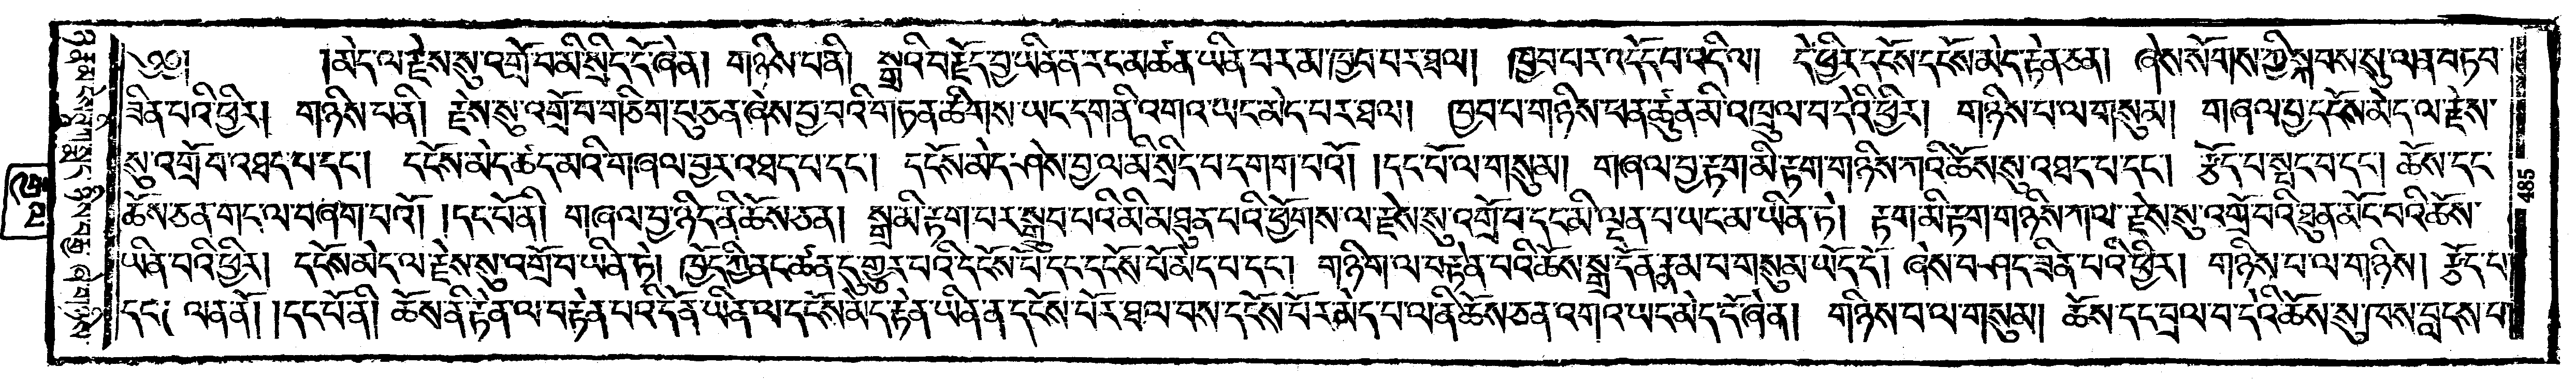༄༅། །མེད་ལ་རྗེས་སུ་འགྲོ་བ་མི་སྲིད་དོ་ཞེ་ན། གཉིས་པ་ནི། སྒྲའི་བརྗོད་བྱ་ཡིན་ན་རང་མཚན་ཡིན་བར་མ་ཁྱབ་པར་ཐལ། ཁྱབ་པར་འདོད་པ་འདི་ལ། དེ་ཕྱིར་དངོས་དངོས་མེད་རྟེན་ཅན། ཞེས་སོགས་ཀྱི་སྐབས་སུ་ལན་བཏབ་
ཟིན་པའི་ཕྱིར། གཉིས་པ་ནི། རྗེས་སུ་འགྲོ་བ་གཅིག་པུ་ཅན་ཞེས་བྱ་བའི་གཏན་ཚིགས་ཡང་དག་ནི་འགའ་ཡང་མེད་པར་ཐལ། ཁྱབ་པ་གཉིས་ཕན་ཚུན་མི་འཁྲུལ་བ་དེའི་ཕྱིར། གཉིས་པ་ལ་གསུམ། གཞལ་བྱ་དངོས་མེད་ལ་རྗེས་
སུ་འགྲོ་བ་འཐད་པ་དང་། དངོས་མེད་ཚད་མའི་གཞལ་བྱར་འཐད་པ་དང་། དངོས་མེད་ཤེས་བྱ་ལ་མི་སྲིད་པ་དགག་པའོ། །དང་པོ་ལ་གསུམ། གཞལ་བྱ་རྟག་མི་རྟག་གཉིས་ཀའི་ཆོས་སུ་འཐད་པ་དང་། རྩོད་པ་སྤང་བ་དང་། ཆོས་དང་
ཆོས་ཅན་གང་ལ་བཞག་པའོ། །དང་པོ་ནི། གཞལ་བྱ་ཉིད་ནི་ཆོས་ཅན། སྒྲ་མི་རྟག་པར་སྒྲུབ་པའི་མི་མཐུན་པའི་ཕྱོགས་ལ་རྗེས་སུ་འགྲོ་བ་དང་མི་ལྡན་པ་ཡང་མ་ཡིན་ཏེ། རྟག་མི་རྟག་གཉིས་ཀ་ལ་རྗེས་སུ་འགྲོ་བའི་ཐུན་མོང་བའི་ཆོས་
ཡིན་པའི་ཕྱིར། དངོས་མེད་ལ་རྗེས་སུ་འགྲོ་བ་ཡིན་ཏེ། ཁྱོད་ཀྱི་ནང་ཚན་དུ་གྱུར་པའི་དངོས་པོ་དང་དངོས་པོ་མེད་པ་དང་། གཉི་ག་ལ་བརྟེན་པའི་ཆོས་སྒྲ་དོན་རྣམ་པ་གསུམ་ཡོད་དོ། ཞེས་བཤད་ཟིན་པའི་ཕྱིར། གཉིས་པ་ལ་གཉིས། རྩོད་པ་
དང༑ ལན་ནོ། །དང་པོ་ནི། ཆོས་ནི་རྟེན་ལ་བརྟེན་པའི་དོན་ཡིན་ལ་དངོས་མེད་རྟེན་ཡིན་ན་དངོས་པོར་ཐལ་བས་དངོས་པོར་མེད་པ་ལ་ནི་ཆོས་ཅན་འགའ་ཡང་མེད་དོ་ཞེ་ན། གཉིས་པ་ལ་གསུམ། ཆོས་དང་བྲལ་བ་དེའི་ཆོས་སུ་ཁས་བླངས་པ་